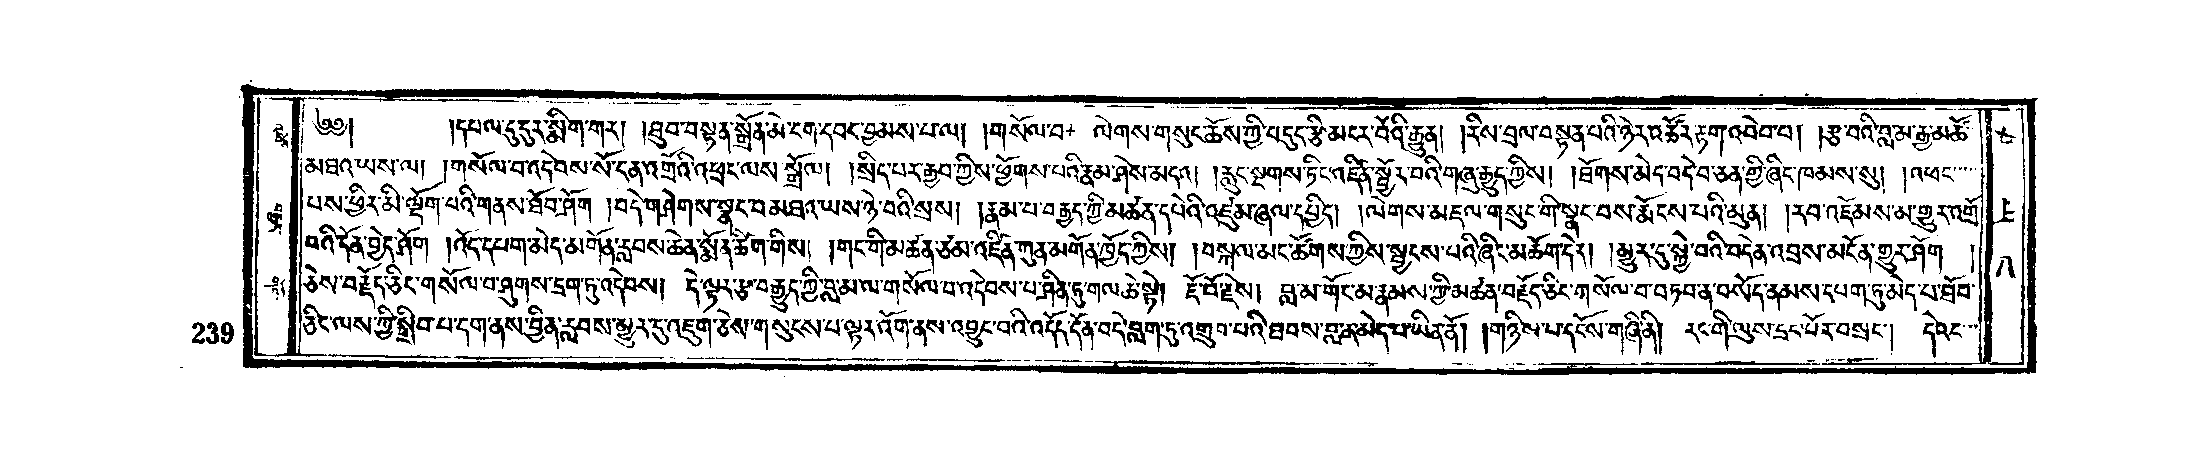༄༅། །དཔལ་དུ་ངུར་སྨིག་གར། །ཐུབ་བསྟན་སྒྲོན་མེ་ངག་དབང་བྱམས་པ་ལ། །གསོལ་བ་+་ལེགས་གསུང་ཆོས་ཀྱི་བདུད་རྩི་མངར་བོའི་རྒྱུན། །རིས་བྲལ་བསྟན་པའི་ཉེར་འཚོར་རྟག་འབེབ་པ། །རྩ་བའི་བླ་མ་རྒྱ་མཚོ་
མཐའ་ཡས་ལ། །གསོལ་བ་འདེབས་སོ་ངན་འགྲོའི་འཕྲང་ལས་སྒྲོལ། །སྲིད་པར་རྒྱབ་ཀྱིས་ཕྱོགས་པའི་རྣམ་ཤེས་མདའ། །རླུང་སྔགས་ཏིང་འཛིན་སྦྱོར་བའི་གཞུ་རྒྱུད་ཀྱིས། །ཐོགས་མེད་བདེ་བ་ཅན་གྱི་ཞིང་ཁམས་སུ། །འཕང་
པས་ཕྱིར་མི་ལྡོག་པའི་གནས་ཐོབ་ཤོག །བདེ་གཤེགས་སྣང་བ་མཐའ་ཡས་ཉེ་བའི་སྲས། །རྣམ་པ་བརྒྱད་ཀྱི་མཚན་དཔེའི་འཛུམ་ཞལ་དཔྱིད། །ལེགས་མཇལ་གསུང་གི་སྣང་བས་རྨོངས་པའི་མུན། །རབ་འཇོམས་མ་གྱུར་འགྲོ་
བའི་དོན་བྱེད་ཤོག །འོད་དཔག་མེད་མགོན་རླབས་ཆེན་སྨོན་ཚིག་གིས། །གང་གི་མཚན་ཙམ་འཛིན་ཀུན་མགོན་ཁྱོད་ཀྱིས། །བསྐལ་མང་ཚོགས་ཀྱིས་སྦྱངས་པའི་ཞིང་མཆོག་དེར། །མྱུར་དུ་སྐྱེ་བའི་བདེན་འབྲས་མངོན་གྱུར་ཤོག །
ཅེས་བརྗོད་ཅིང་གསོལ་བ་ཤུགས་དྲག་ཏུ་འདེབས། དེ་ལྟར་རྩ་བརྒྱུད་ཀྱི་བླ་མ་ལ་གསོལ་བ་འདེབས་པ་ཤིན་ཏུ་གལ་ཆེ་སྟེ། ཇོ་བོ་རྗེས། བླ་མ་གོང་མ་རྣམས་ཀྱི་མཚན་བརྗོད་ཅིང་གསོལ་བ་བཏབ་ན་བསོད་ནམས་དཔག་ཏུ་མེད་པ་ཐོབ་
ཅིང་ལས་ཀྱི་སྒྲིབ་པ་དག་ནས་བྱིན་རླབས་མྱུར་དུ་འཇུག་ཅེས་གསུངས་པ་ལྟར་འོག་ནས་འབྱུང་བའི་འདོད་དོན་བདེ་བླག་ཏུ་འགྲུབ་པའི་ཐབས་བླ་ན་མེད་པ་ཡིན་ནོ། །གཉིས་པ་དངོས་གཞི་ནི། རང་གི་ལུས་དྲང་པོར་བསྲང་། དེའང་